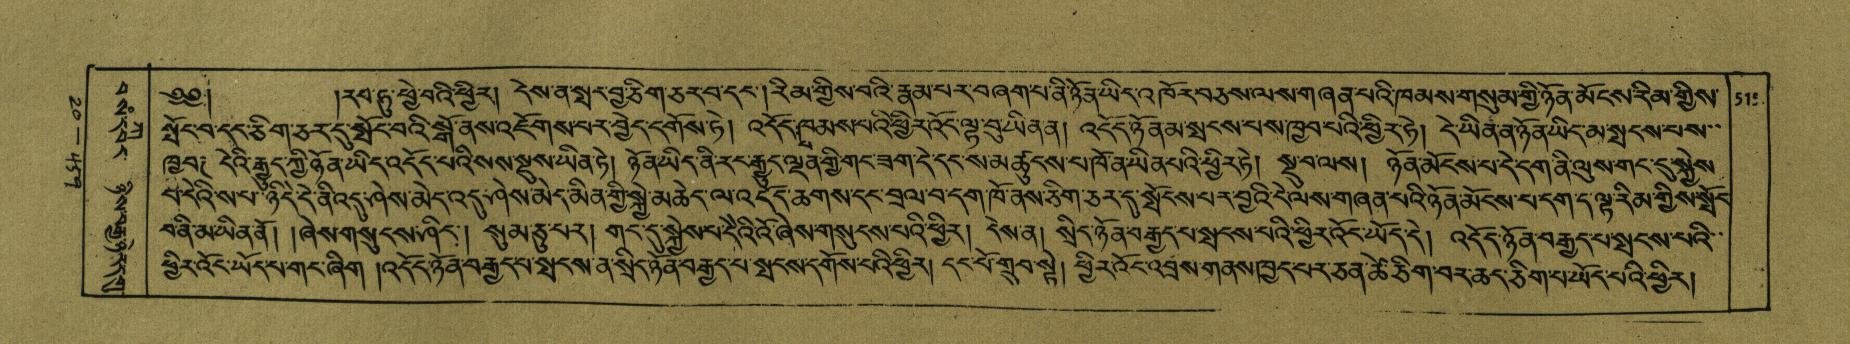༄༅། །རབ་ཏུ་ཕྱེ་བའི་ཕྱིར། དེས་ན་སྤང་བྱ་ཅིག་ཅར་བ་དང་། རིམ་གྱིས་བའི་རྣམ་པར་བཞག་པ་ནི་ཉོན་ཡིད་འཁོར་བཅས་ལས་གཞན་པའི་ཁམས་གསུམ་གྱི་ཉོན་མོངས་རིམ་གྱིས་
སྤོང་བ་དང་ཅིག་ཅར་དུ་སྤོང་བའི་སྒོ་ནས་འཇོགས་པར་བྱེད་དགོས་ཏེ། འདོད་པ་ཁམས་པའི་ཕྱིར་འོང་ལྟ་བུ་ཡིན་ན། འདོད་ཉོན་མ་སྤངས་པས་ཁྱབ་པའི་ཕྱིར་ཏེ། དེ་ཡིན་ན་ཉོན་ཡིད་མ་སྤངས་པས་
ཁྱབ༑ དེའི་རྒྱུད་ཀྱི་ཉོན་ཡིད་འདོད་པའི་སས་སྡུས་ཡིན་ཏེ། ཉོན་ཡིད་ནི་རང་རྒྱུད་ལྡན་གྱི་གང་ཟག་དེ་དང་ས་མཚུངས་པ་ཁོ་ན་ཡིན་པའི་ཕྱིར་ཏེ། སྡུ་བ་ལས། ཉོན་མོངས་པ་དེ་དག་ནི་ལུས་གང་དུ་སྐྱེས་
པ་དེའི་ས་པ་ཉིད་དེ་དེ་ནི་འདུ་ཤེས་མེད་འདུ་ཤེས་མེད་གྱི་སྐྱེ་མཆེད་ལ་འདོད་ཆགས་དང་བྲལ་བ་དག་ཁོ་ནས་ཅིག་ཅར་དུ་སྤོངས་པར་བྱའི་དེ་ལས་གཞན་པའི་ཉོན་མོངས་པ་དག་ད་ལྟ་རིམ་གྱིས་སྤོང་
བ་ནི་མ་ཡིན་ནོ། །ཞེས་གསུངས་ཤིང་། སུམ་ཅུ་པར། གང་དུ་སྐྱེས་པ་དེའི་འོ་ཞེས་གསུངས་པའི་ཕྱིར། དེས་ན། སྲིད་ཉོན་བརྒྱད་པ་སྤངས་པའི་ཕྱིར་འོང་ཡོད་དེ། འདོད་ཉོན་བརྒྱད་པ་སྤངས་པའི་
ཕྱིར་འོང་ཡོད་པ་གང་ཞིག །འདོད་ཉོན་བརྒྱད་པ་སྤངས་ན་སྲིད་ཉོན་བརྒྱད་པ་སྤངས་དགོས་པའི་ཕྱིར། དང་པོ་གྲུབ་སྟེ། ཕྱིར་འོང་འབྲས་གནས་ཁྱད་པར་ཅན་ཚེ་ཅིག་བར་ཆད་ཅིག་པ་ཡོད་པའི་ཕྱིར།